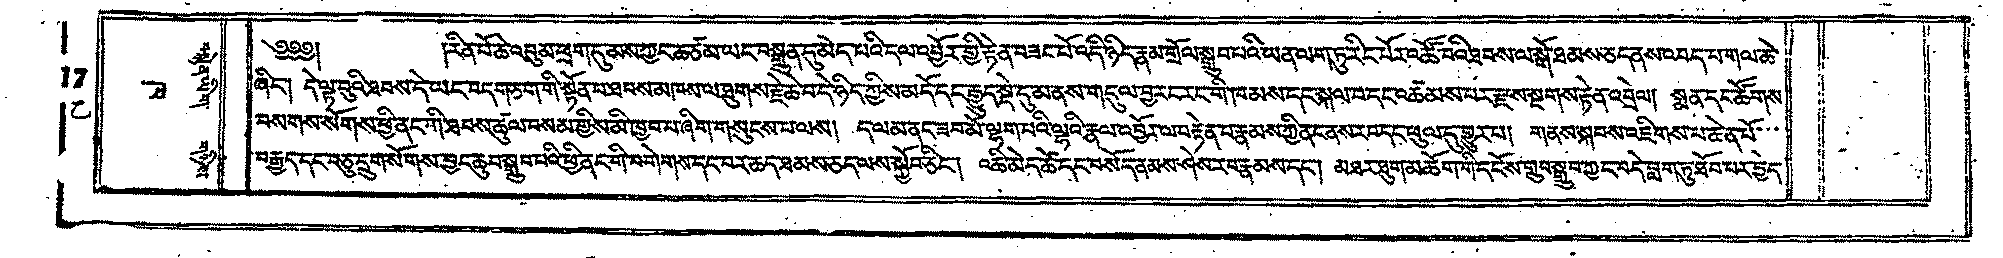༄༅༅། །རིན་པོ་ཆེ་འབུམ་ཕྲག་དུ་མས་ཀྱང་ཆ་ཙམ་ཡང་བསྒྲུན་དུ་མེད་པའི་དལ་འབྱོར་གྱི་རྟེན་བཟང་པོ་འདི་ཉིད་རྣམ་གྲོལ་སྒྲུབ་པའི་ཡན་ལག་ཏུ་རིང་པོར་འཚོ་བའི་ཐབས་ལ་སྒོ་ཐམས་ཅད་ནས་འབད་པ་གལ་ཆེ་
ཞིང་། དེ་ལྟ་བུའི་ཐབས་དེ་ཡང་བདག་ཅག་གི་སྟོན་པ་ཐབས་མཁས་ལ་ཐུགས་རྗེ་ཆེ་བ་དེ་ཉིད་ཀྱིས་མདོ་དང་རྒྱུད་སྡེ་དུ་མ་ནས་གདུལ་བྱ་རང་རང་གི་ཁམས་དང་སྐལ་བ་དང་འཚམས་པར་རྫས་སྔགས་རྟེན་འབྲེལ། སྨན་དང་ཚོགས་
བསགས་སོགས་ཕྱི་ནང་གི་ཐབས་ཚུལ་བསམ་གྱིས་མི་ཁྱབ་པ་ཞིག་གསུངས་པ་ལས། ད་ལམ་ནང་ཟབ་མོ་ལྷག་པའི་ལྷའི་རྣལ་འབྱོར་ལ་བརྟེན་པ་རྣམས་ཀྱི་ནང་ནས་རབ་དང་ཕུལ་དུ་གྱུར་པ། གནས་སྐབས་འཇིགས་པ་ཆེན་པོ་་་
བརྒྱད་དང་བཅུ་དྲུག་སོགས་བྱང་ཆུབ་སྒྲུབ་པའི་ཕྱི་ནང་གི་བགེགས་དང་བར་ཆད་ཐམས་ཅད་ལས་སྐྱོབ་ཅིང་། འཆི་མེད་ཚེ་དང་བསོད་ནམས་ཤེས་རབ་རྣམས་དང་། མཐར་ཐུག་མཆོག་གི་དངོས་གྲུབ་སྒྲུབ་ཀྱང་བདེ་བླག་ཏུ་ཐོབ་པར་བྱེད་